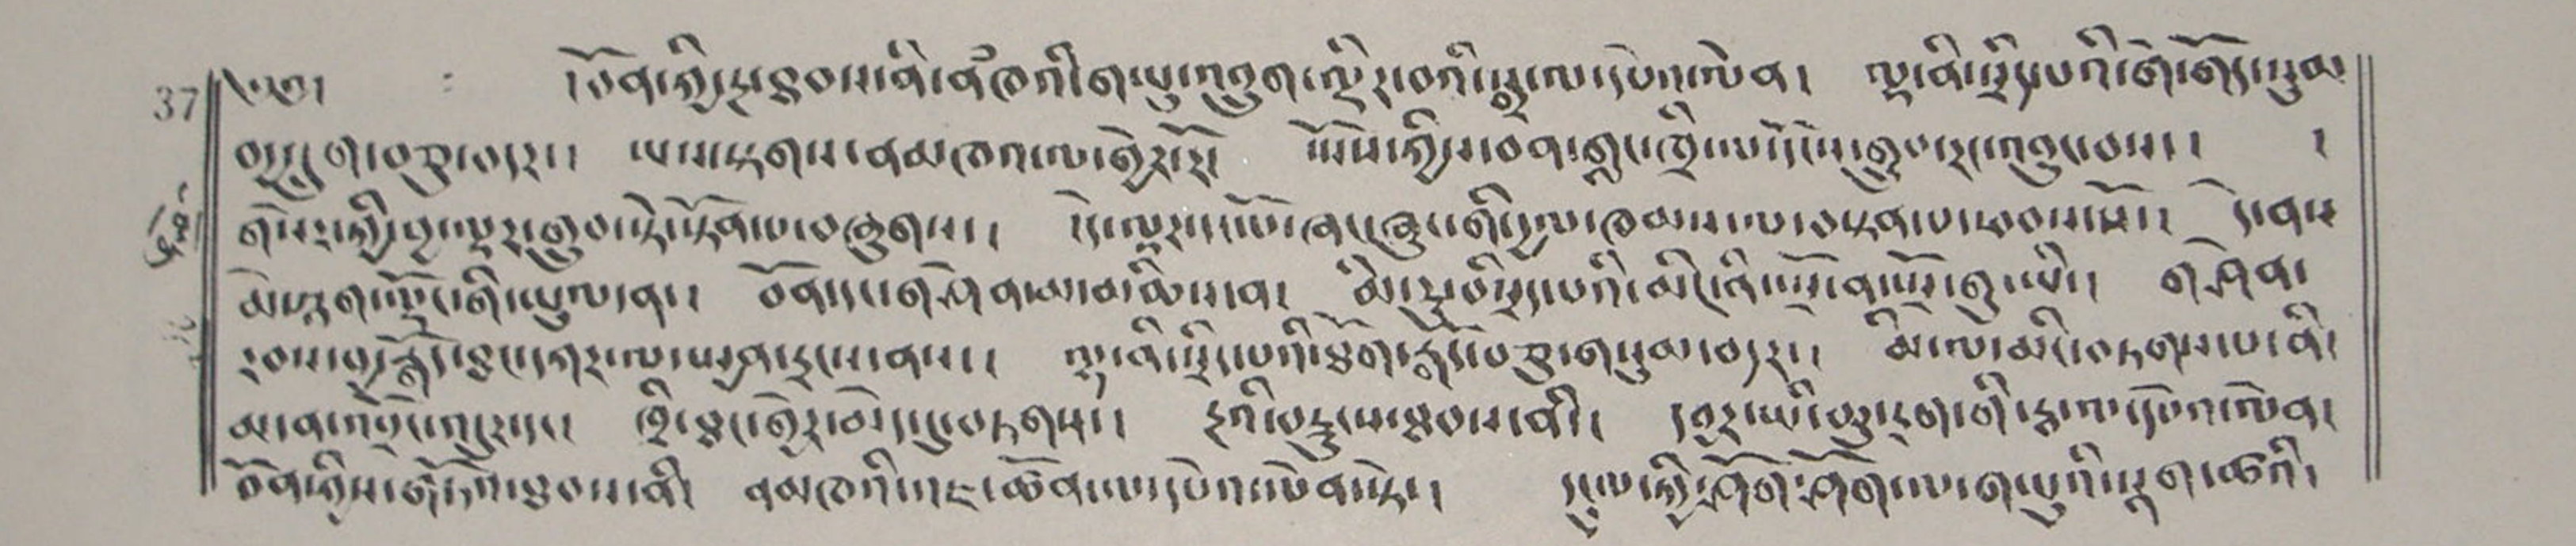༄༅། །བོན་གྱིས་རྔ་ཐབས་ནི་ནམ་མཁའི་གཡུ་འབྲུག་ལྡིར་བའི་སྒྲ་ལས་དཔེ་ལེན། ལྷ་ནི་སྲིད་པའི་གེ་ཁོད་སུམ་
བརྒྱ་དྲུག་བཅུ་བདར། ཡས་སྟགས་ནམ་མཁའ་ལ་གྱེར་རོ། །སྤོས་ཀྱི་བན་གླང་ཁྲི་ལ་དངོས་གྲུབ་རང་འབྱུང་བས། 
གསེར་གྱི་བྱ་ལྟར་གྲུབ་སྟེ་སྟོན་པ་བཞུགས། དེ་ལྟར་དང་པོ་ཞང་ཞུང་གི་རྒྱལ་ཁམས་ལ་བསྟན་པ་ཕབས་སོ། །དེ་ནས་
མེ་ཉག་ལྡོང་གི་ཡུལ་ནས། བོན་དང་གཤེན་མ་མཆིས་ན། མི་རུ་སྲིད་པའི་མིང་ནི་སྤྲོ་ན་སྤྲོ་གུ་ཡི། གཤེན་
རབ་བྱ་རྒོད་ཐང་དཀར་དུ་སྤྱན་དྲངས་ནས། ལྷ་ནི་སྲིད་པའི་ཐོག་རྒོད་བཅུ་གསུམ་བདར། མི་ལ་མིང་བཏགས་པ་ནི་
མ་ན་འབྲོང་འདུར་དང་། ཁྲི་ཐང་གྱེར་མེད་དུ་བཏགས། རྔ་ཡི་བརྡུང་ཐབས་ནི། དབྱར་གྱི་ཆུ་དྲག་གི་རྦ་ལ་དཔེའ་ལེན། 
བོན་གྱི་གཏོ་ཐབས་ནི། ནམ་མཁའི་འཇའ་ཚོན་ལ་དཔེའ་ལེན་ཏེ། དངུལ་གྱི་ཤོག་ཤོག་ལ་གཡུའི་སྣག་ཚའི་